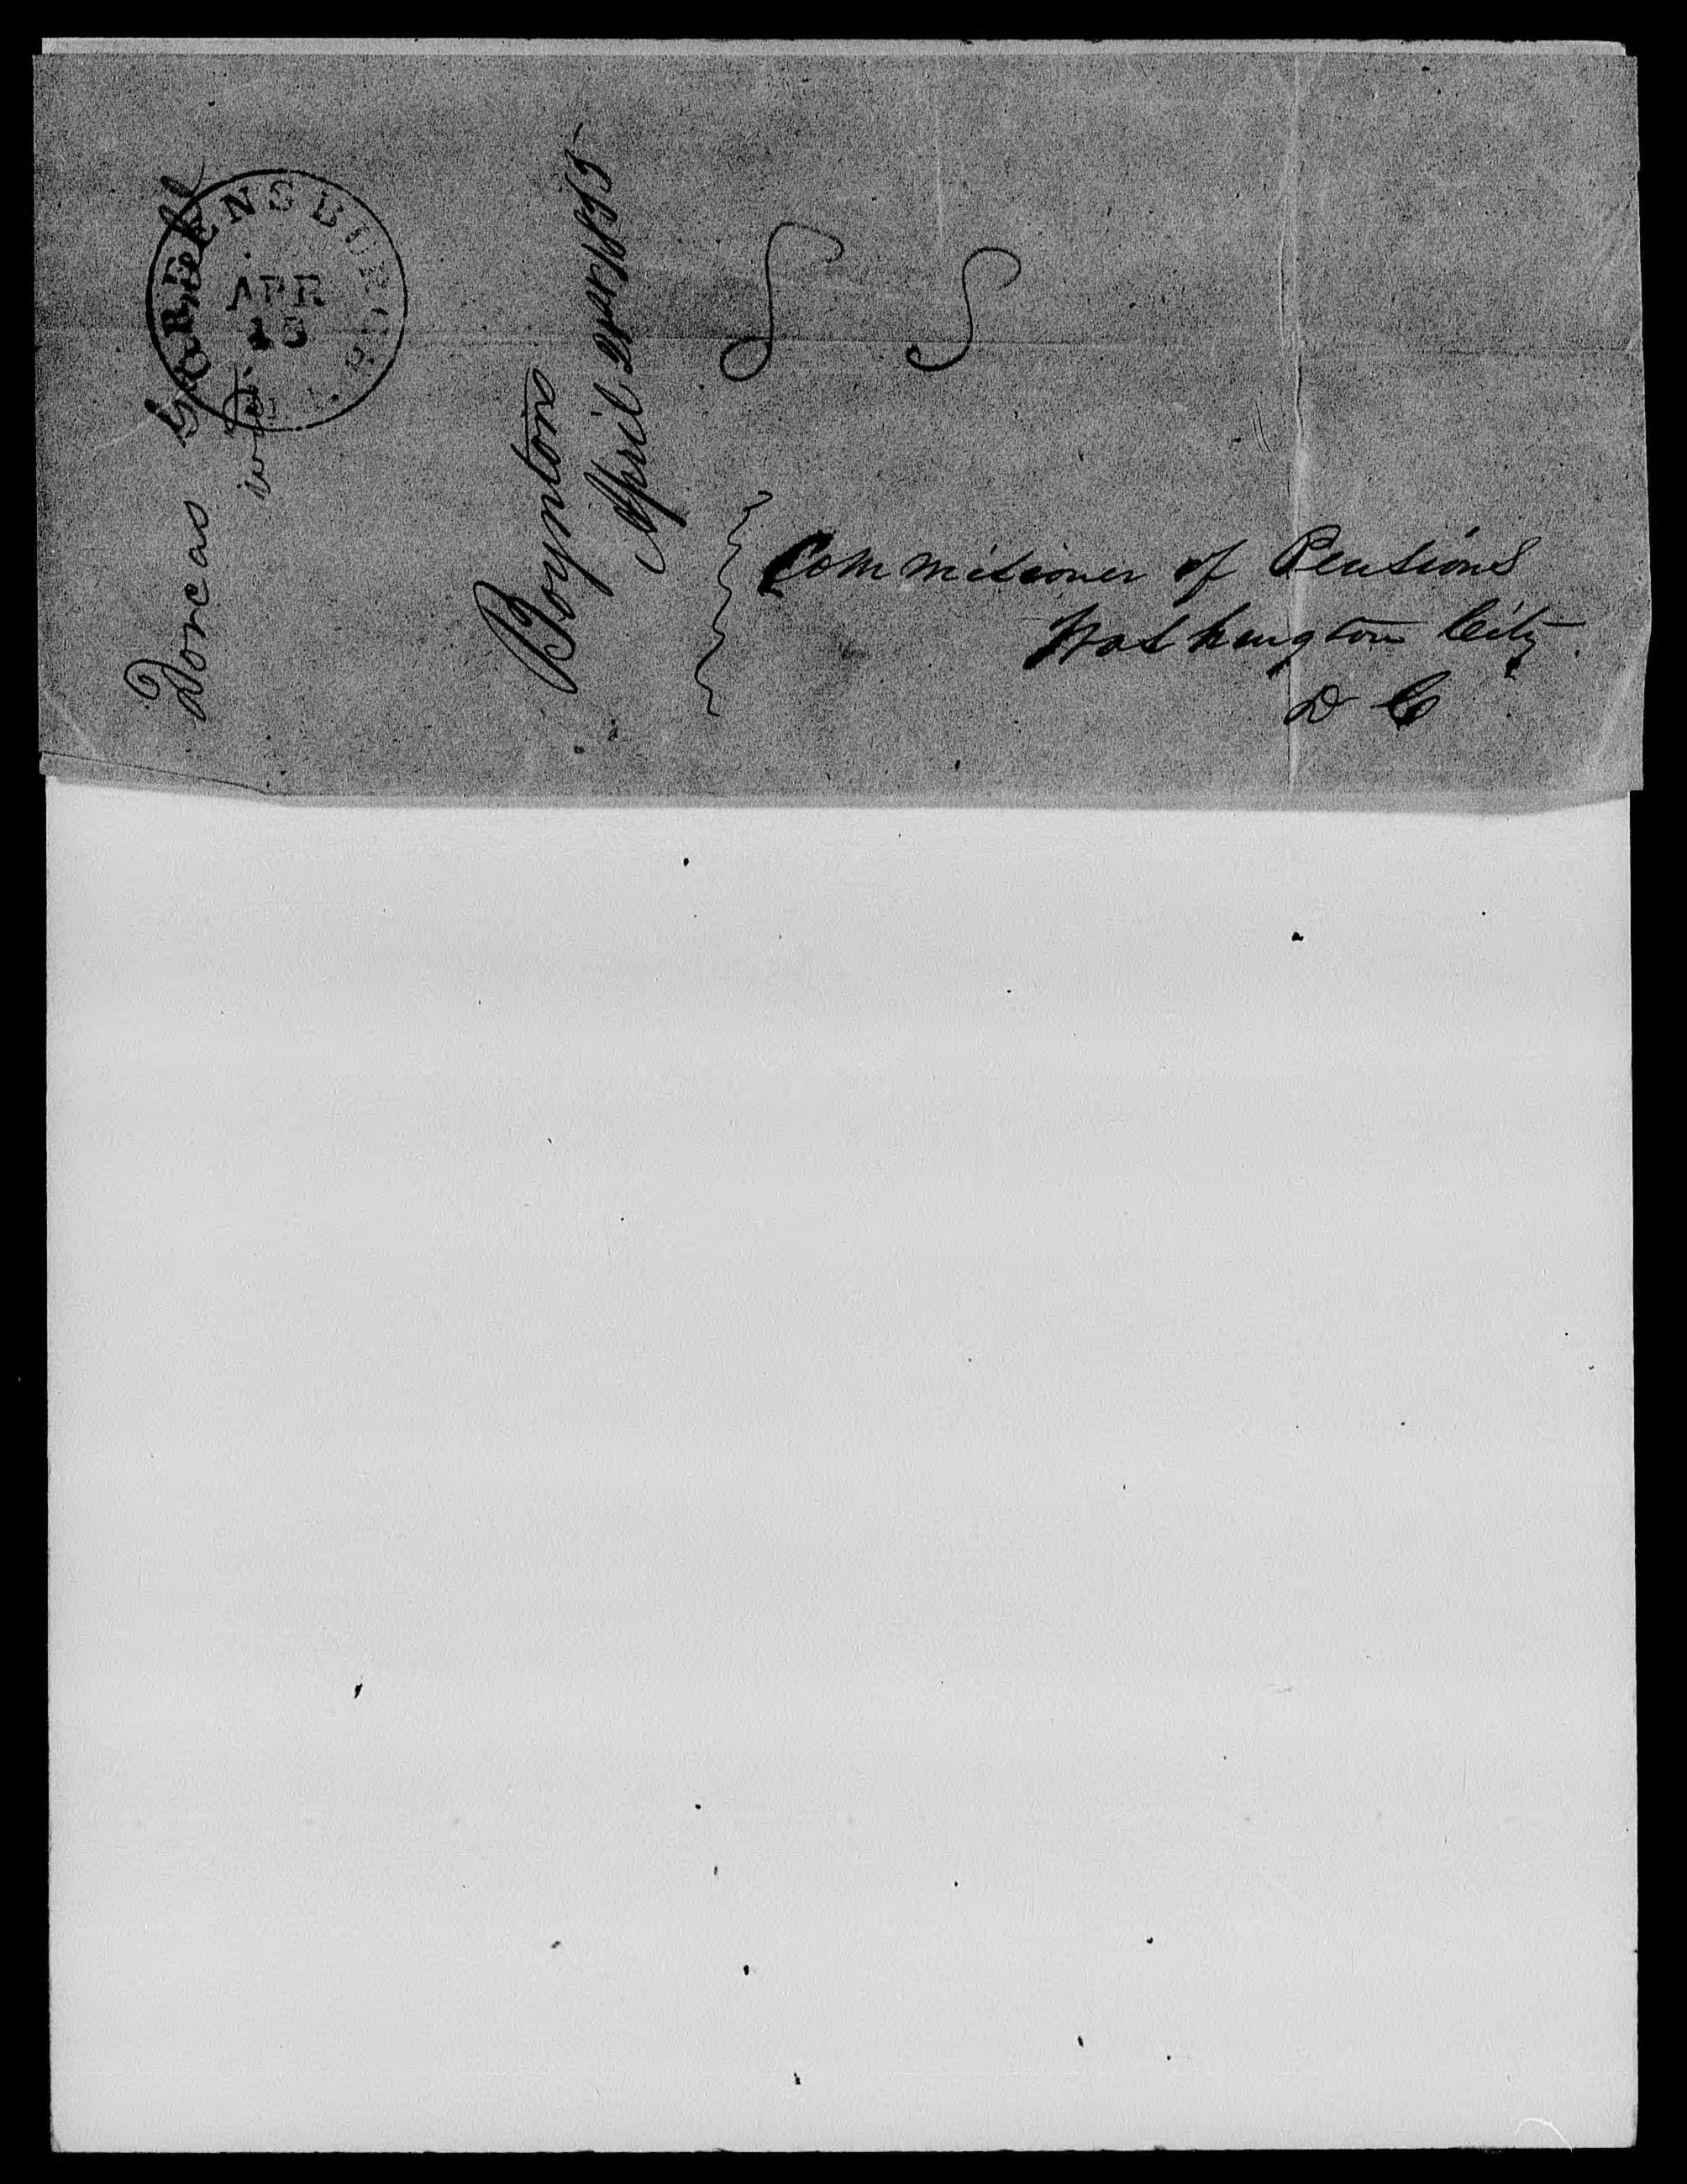[vertical; starting at left]
Dorcas Gosnell
Wid.

Boyntons
April 12st 1855

[horizontal]
[circular stamped ink seal]
GREENSBURGH Ind
APR 15

[written]
S S
Commissioner of Pensions
Washington City
D C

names: Dorcas Gosnell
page: 33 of 39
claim: widow's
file: W. 11060, Benjamin Gosnell, Va.